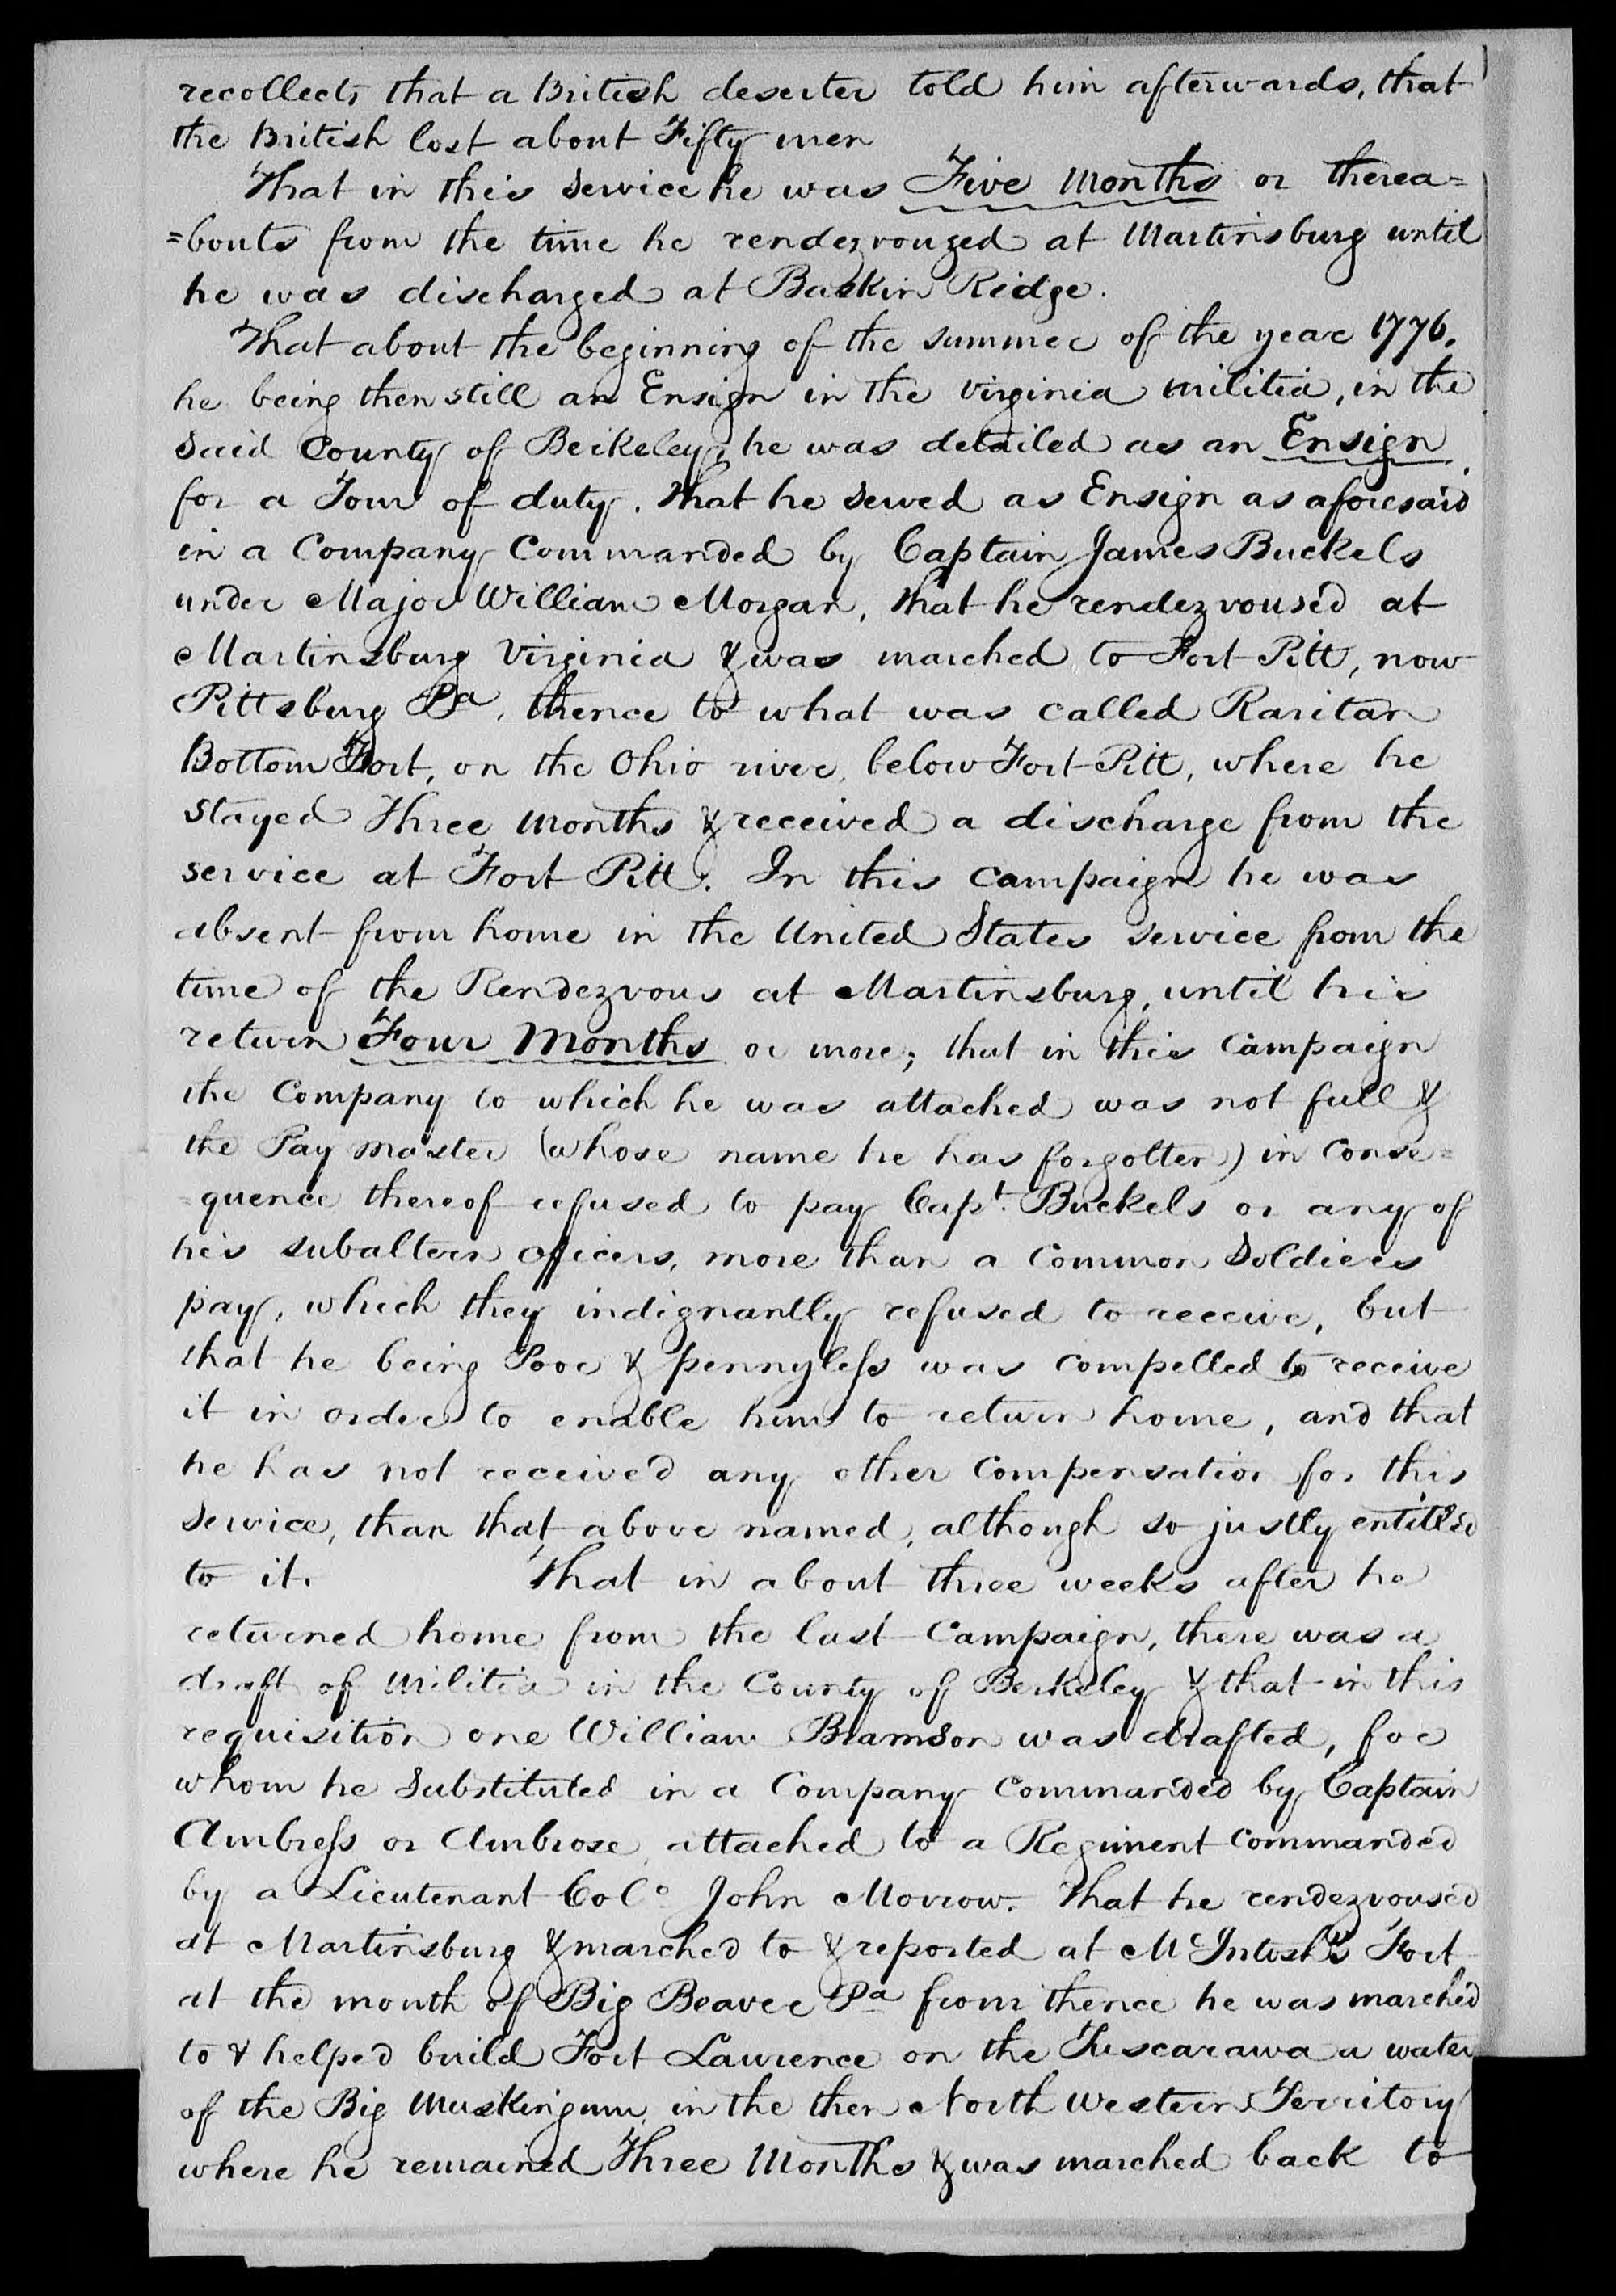recollects that a British deserter told him afterwards, that the British lost about Fifty men
That in this service he was Five Months or thereabouts from the time he rendezvouzed at Martinsburg until he was discharged at Baskin Ridge.
That about the beginning of the summer of the year 1776, he being then still an Ensign in the Virginia Militia, in the Said County of Berkeley, he was detailed as an Ensign for a Tour of duty.  That he served as Ensign as aforesaid in a Company Commanded by Captain James Buckels under Major William Morgan, that he rendezvoused at Martinsburg Virginia & was marched to Fort Pitt, now Pittsburg Pa, thence to what was called Raritan Bottom Fort, on the Ohio river, below Fort Pitt, where he stayed Three Months & received a discharge from the service at Fort Pitt.  In this campaign he was absent from home in the United States service from the time of the Rendezvous at Martinsburg, until his return Four Months or more; that in this Campaign the Company to which he was attached was not full & the Pay Master (whose name he has forgotten) in consequence thereof refused to pay Capt Buckels or any of his subaltern officers, more than a Common Soldiers pay, which they indignantly refused to receive, but that he being Poor & pennyless was compelled to receive it in order to enable him to return home, and that he has not received any other compensation for this service, than that above named, although so justly entitled to it.  That in about three weeks after he returned home from the last Campaign, there was a draft of Militia in the County of Berkeley & that in this requisition one William Bramson was drafted, for whom he substituted in a Company Commanded by Captain Ambress or Ambrose, attached to a Regiment commanded by a Lieutenant Colonel John Morrow.  That he rendezvoused at Martinsburg & marched to & reported at McIntosh Fort at the month of Big Beaver Pa from thence he was marched to & helped build Fort Lawrence on the Tuscarawa a water of the Big Muskingum in the then North Western Territory where he remained Three Months & was marched back to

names: William Morgan; [BLANK] Ambrose; [BLANK] Ambress; William Bramson; James Buckels; John Morrow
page: 9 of 69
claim: widow's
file: W 8044, for Jacob Lewis, Virginia